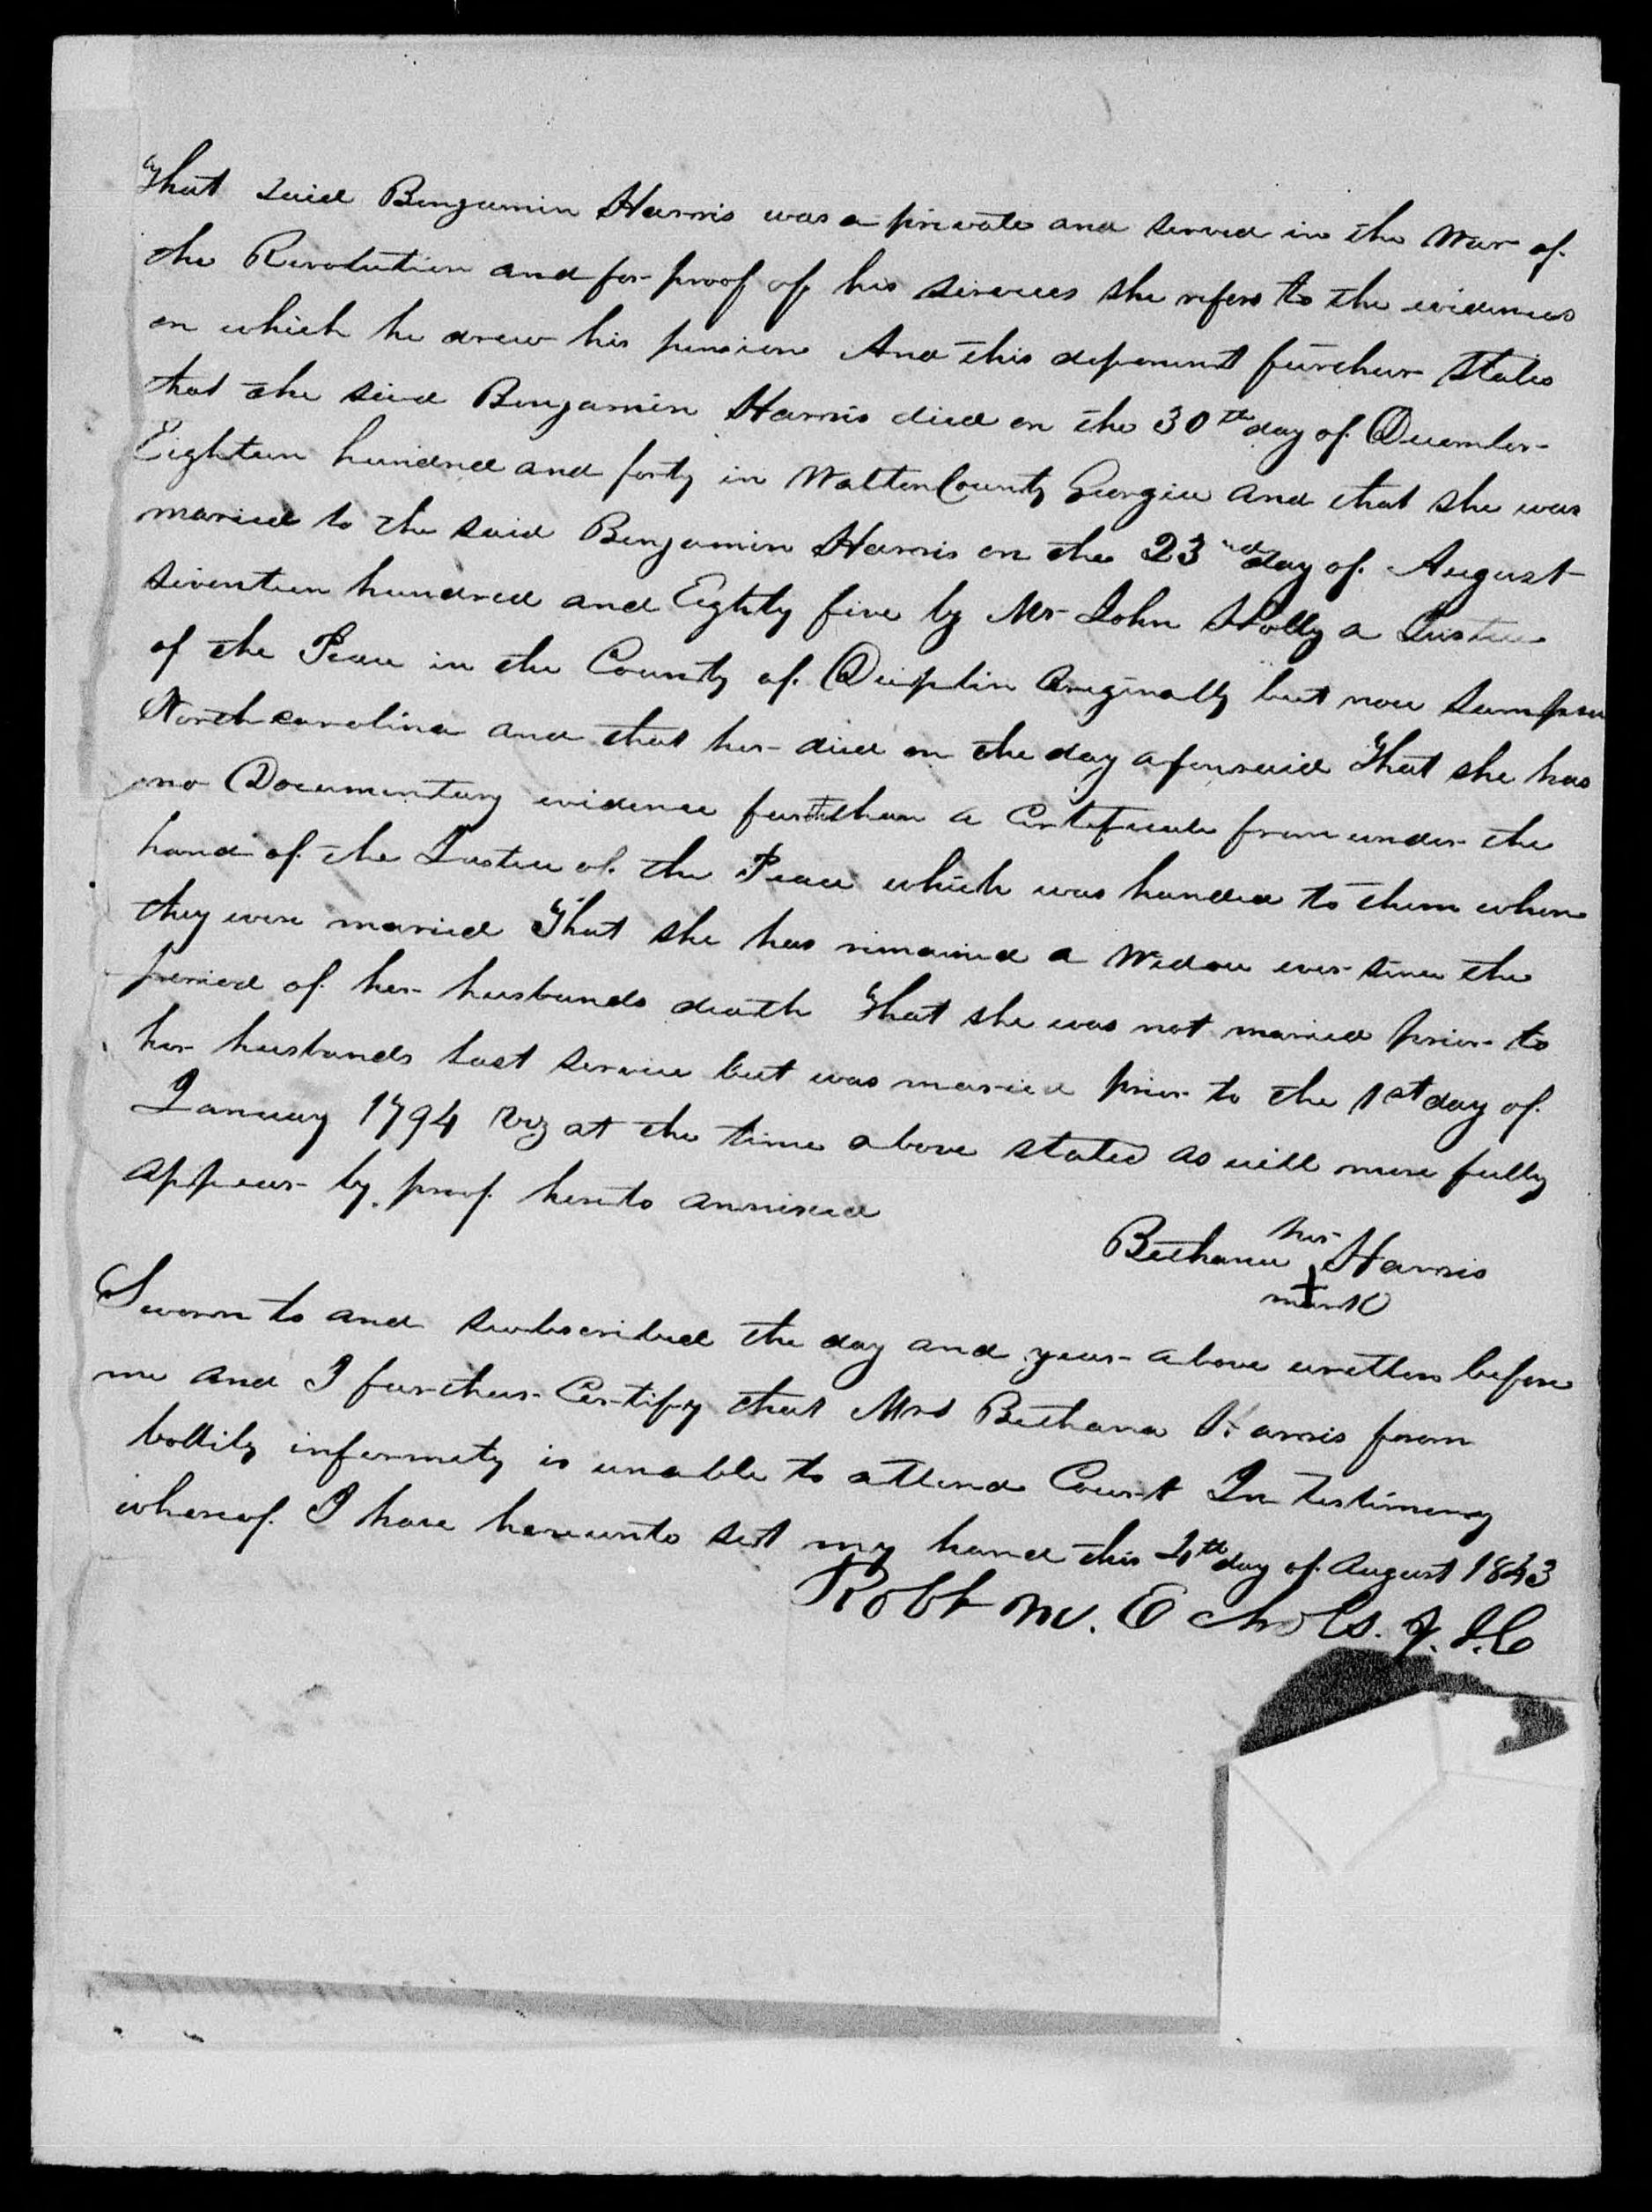That said Benjamin Harris was a private and served in the war of the Revolution and for proof of his services she refers to the evidences on which he drew his pension. And this deponent further states that the said Benjamin Harris died on the 30th day of December Eighteen hundred and forty in Walter County Georgia and that she was married to the said Benjamin Harris on the 23rd day of August seventeen hundred and Eighty five by Mr John Hally a Justice of the Peace in the County of Duplin Originally but now Sumson North Carolina and that he died on the day aforesaid. that she has no Documentary evidence further than a certificate from under the hand of the Justice of the Peace which was handed to them when they were married that she has remained a widow ever since the period of her husbands death. that she was not married prior to her husbands last service but was married prior to the 1st day of January 1794 by at the time above stated as will more fully appear by proof hereto annexed 
Bethana her X mark Harris

Sworn to and subscribed the day and year above written before me and I further Certify that Mrs Bethana Harris from bodily infirmity is unable to attend Court In Testimony whereof I have hereunto set my hand this 4th day of August 1843
Robt M. Echold JH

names: Benjamin Harris, John Holly, Bethana Harris, Bethana Harris, Benjamin Harris, Robt M Echols, Benjamin Harris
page: 19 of 62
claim: survivor's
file: S. 38816, Benjamin Harris, Mass.